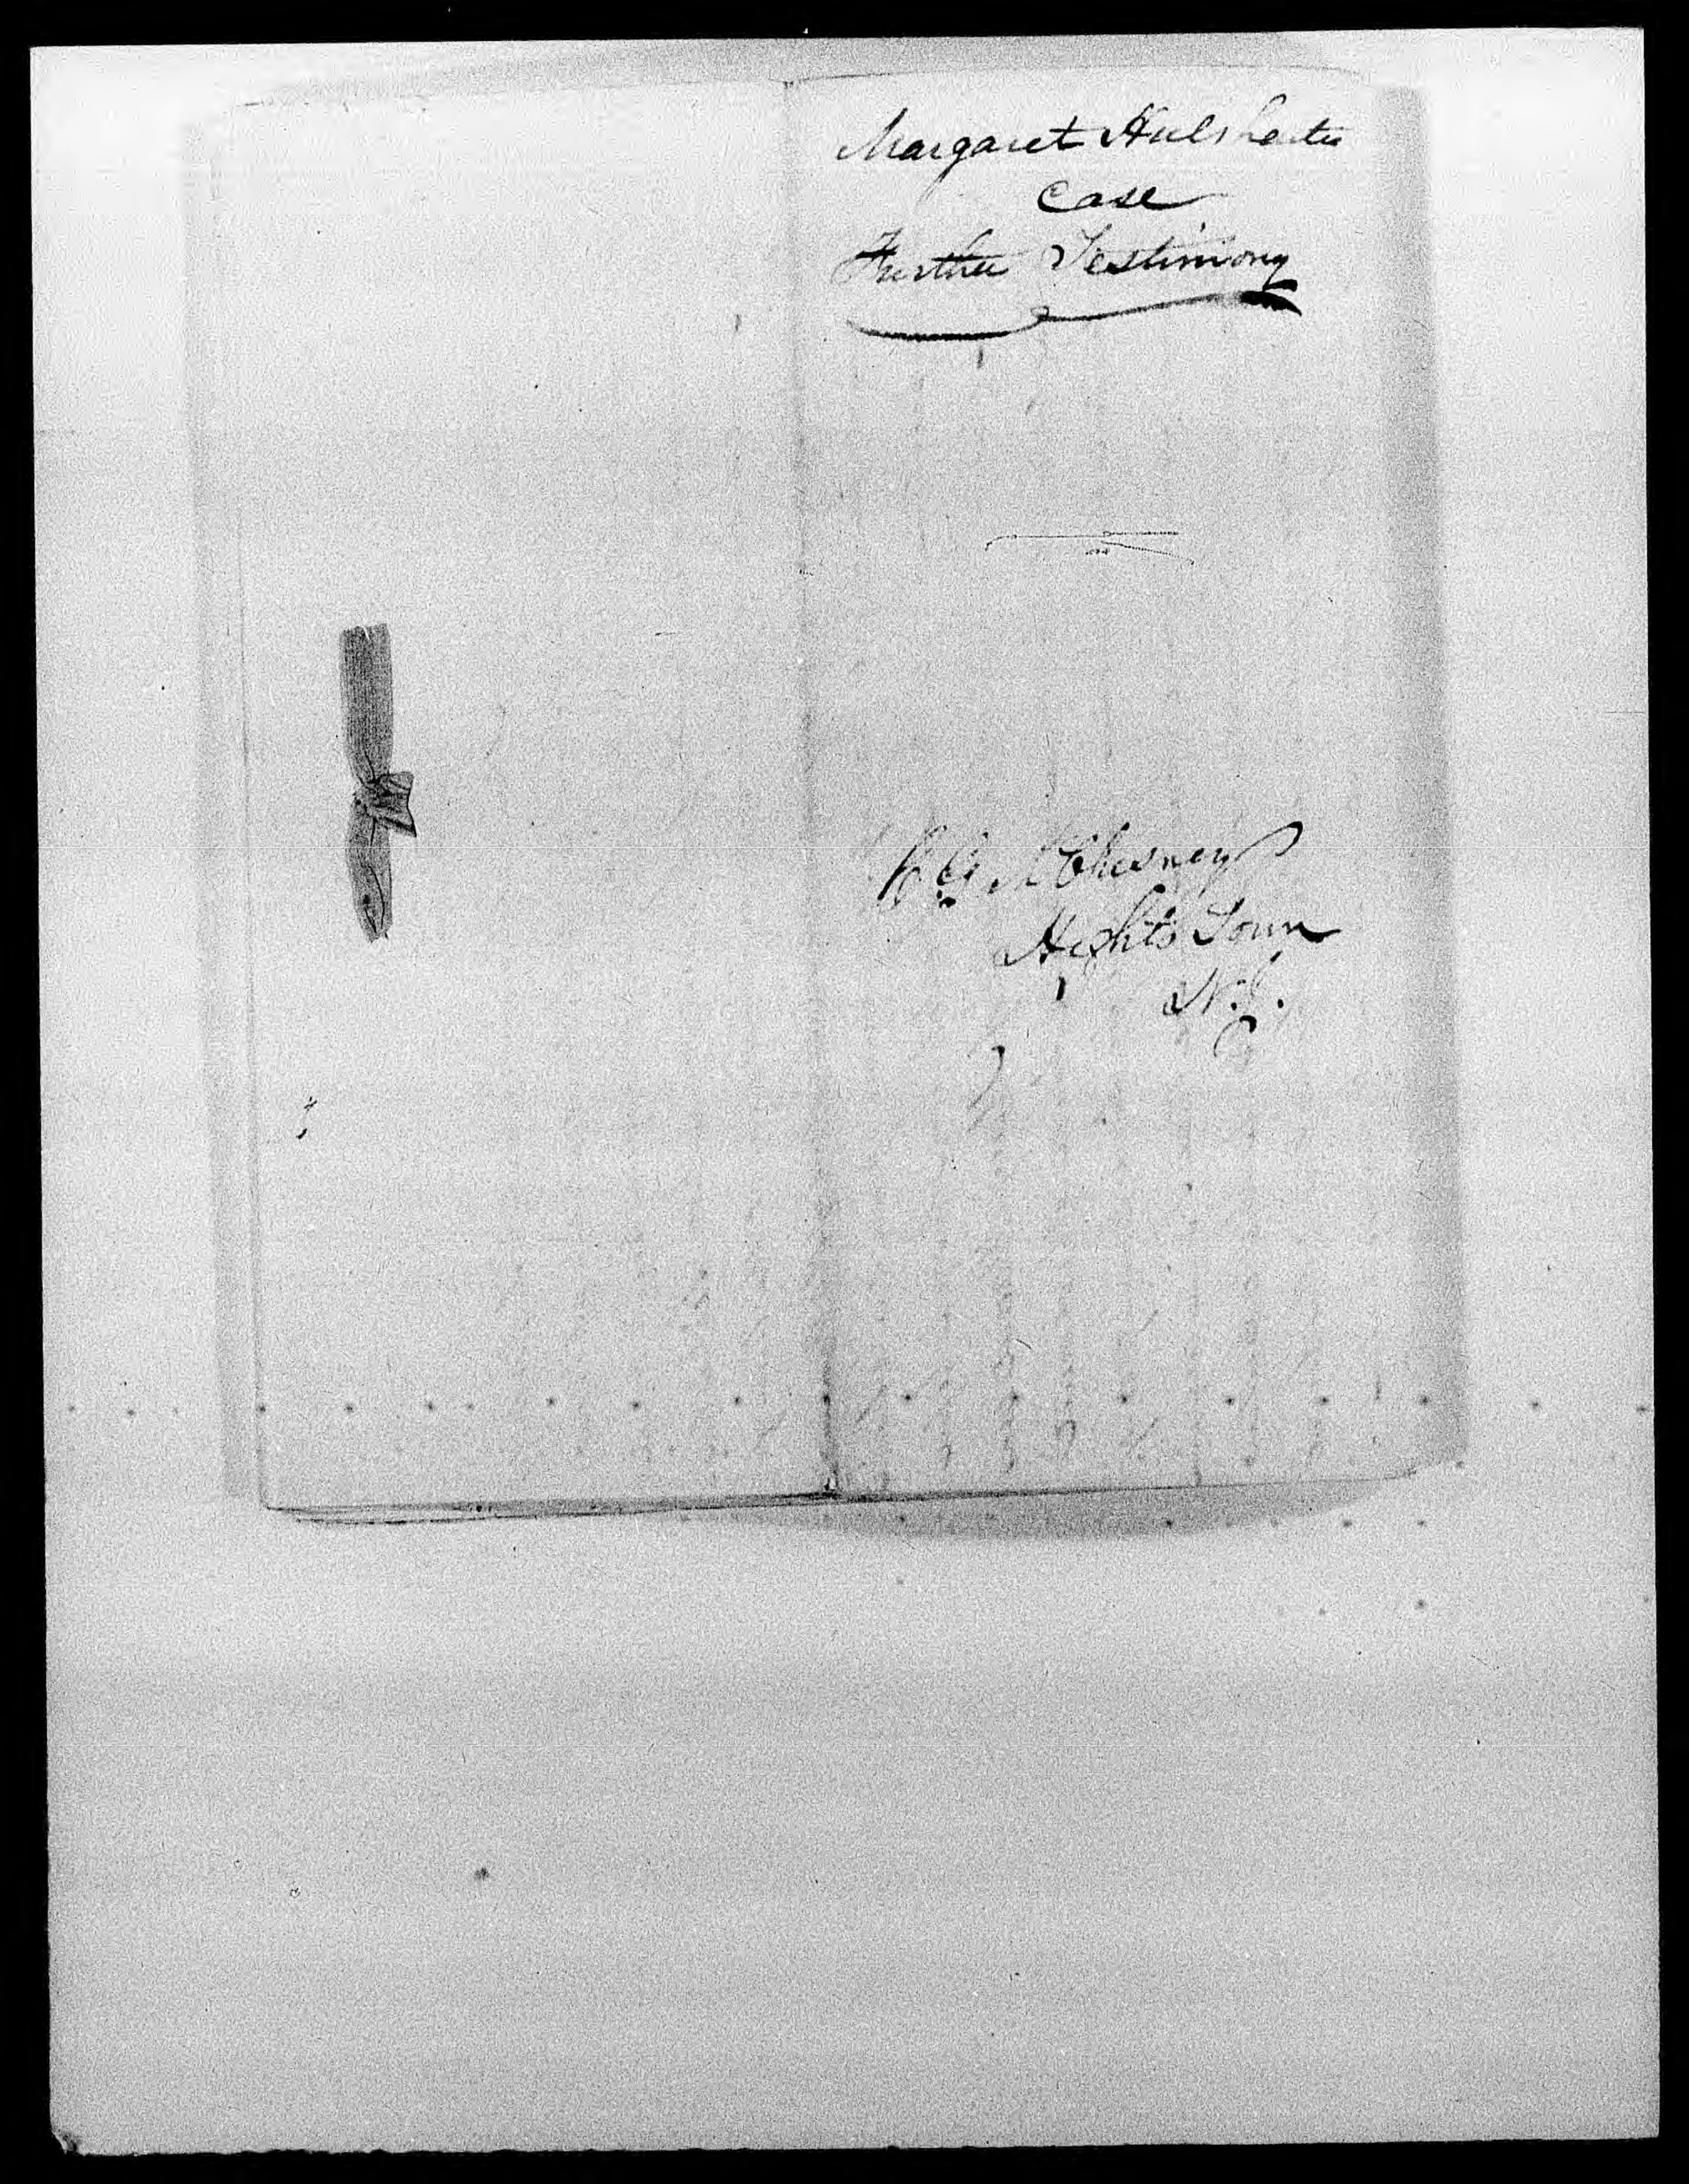Margaret Hulsharte Case Further Testimony C G McChesney Hights Town N. J.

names: C G Mc Chesney, Margaret Hulsharte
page: 28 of 34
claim: widow's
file: W. 940, John Hulshart, New Jersey